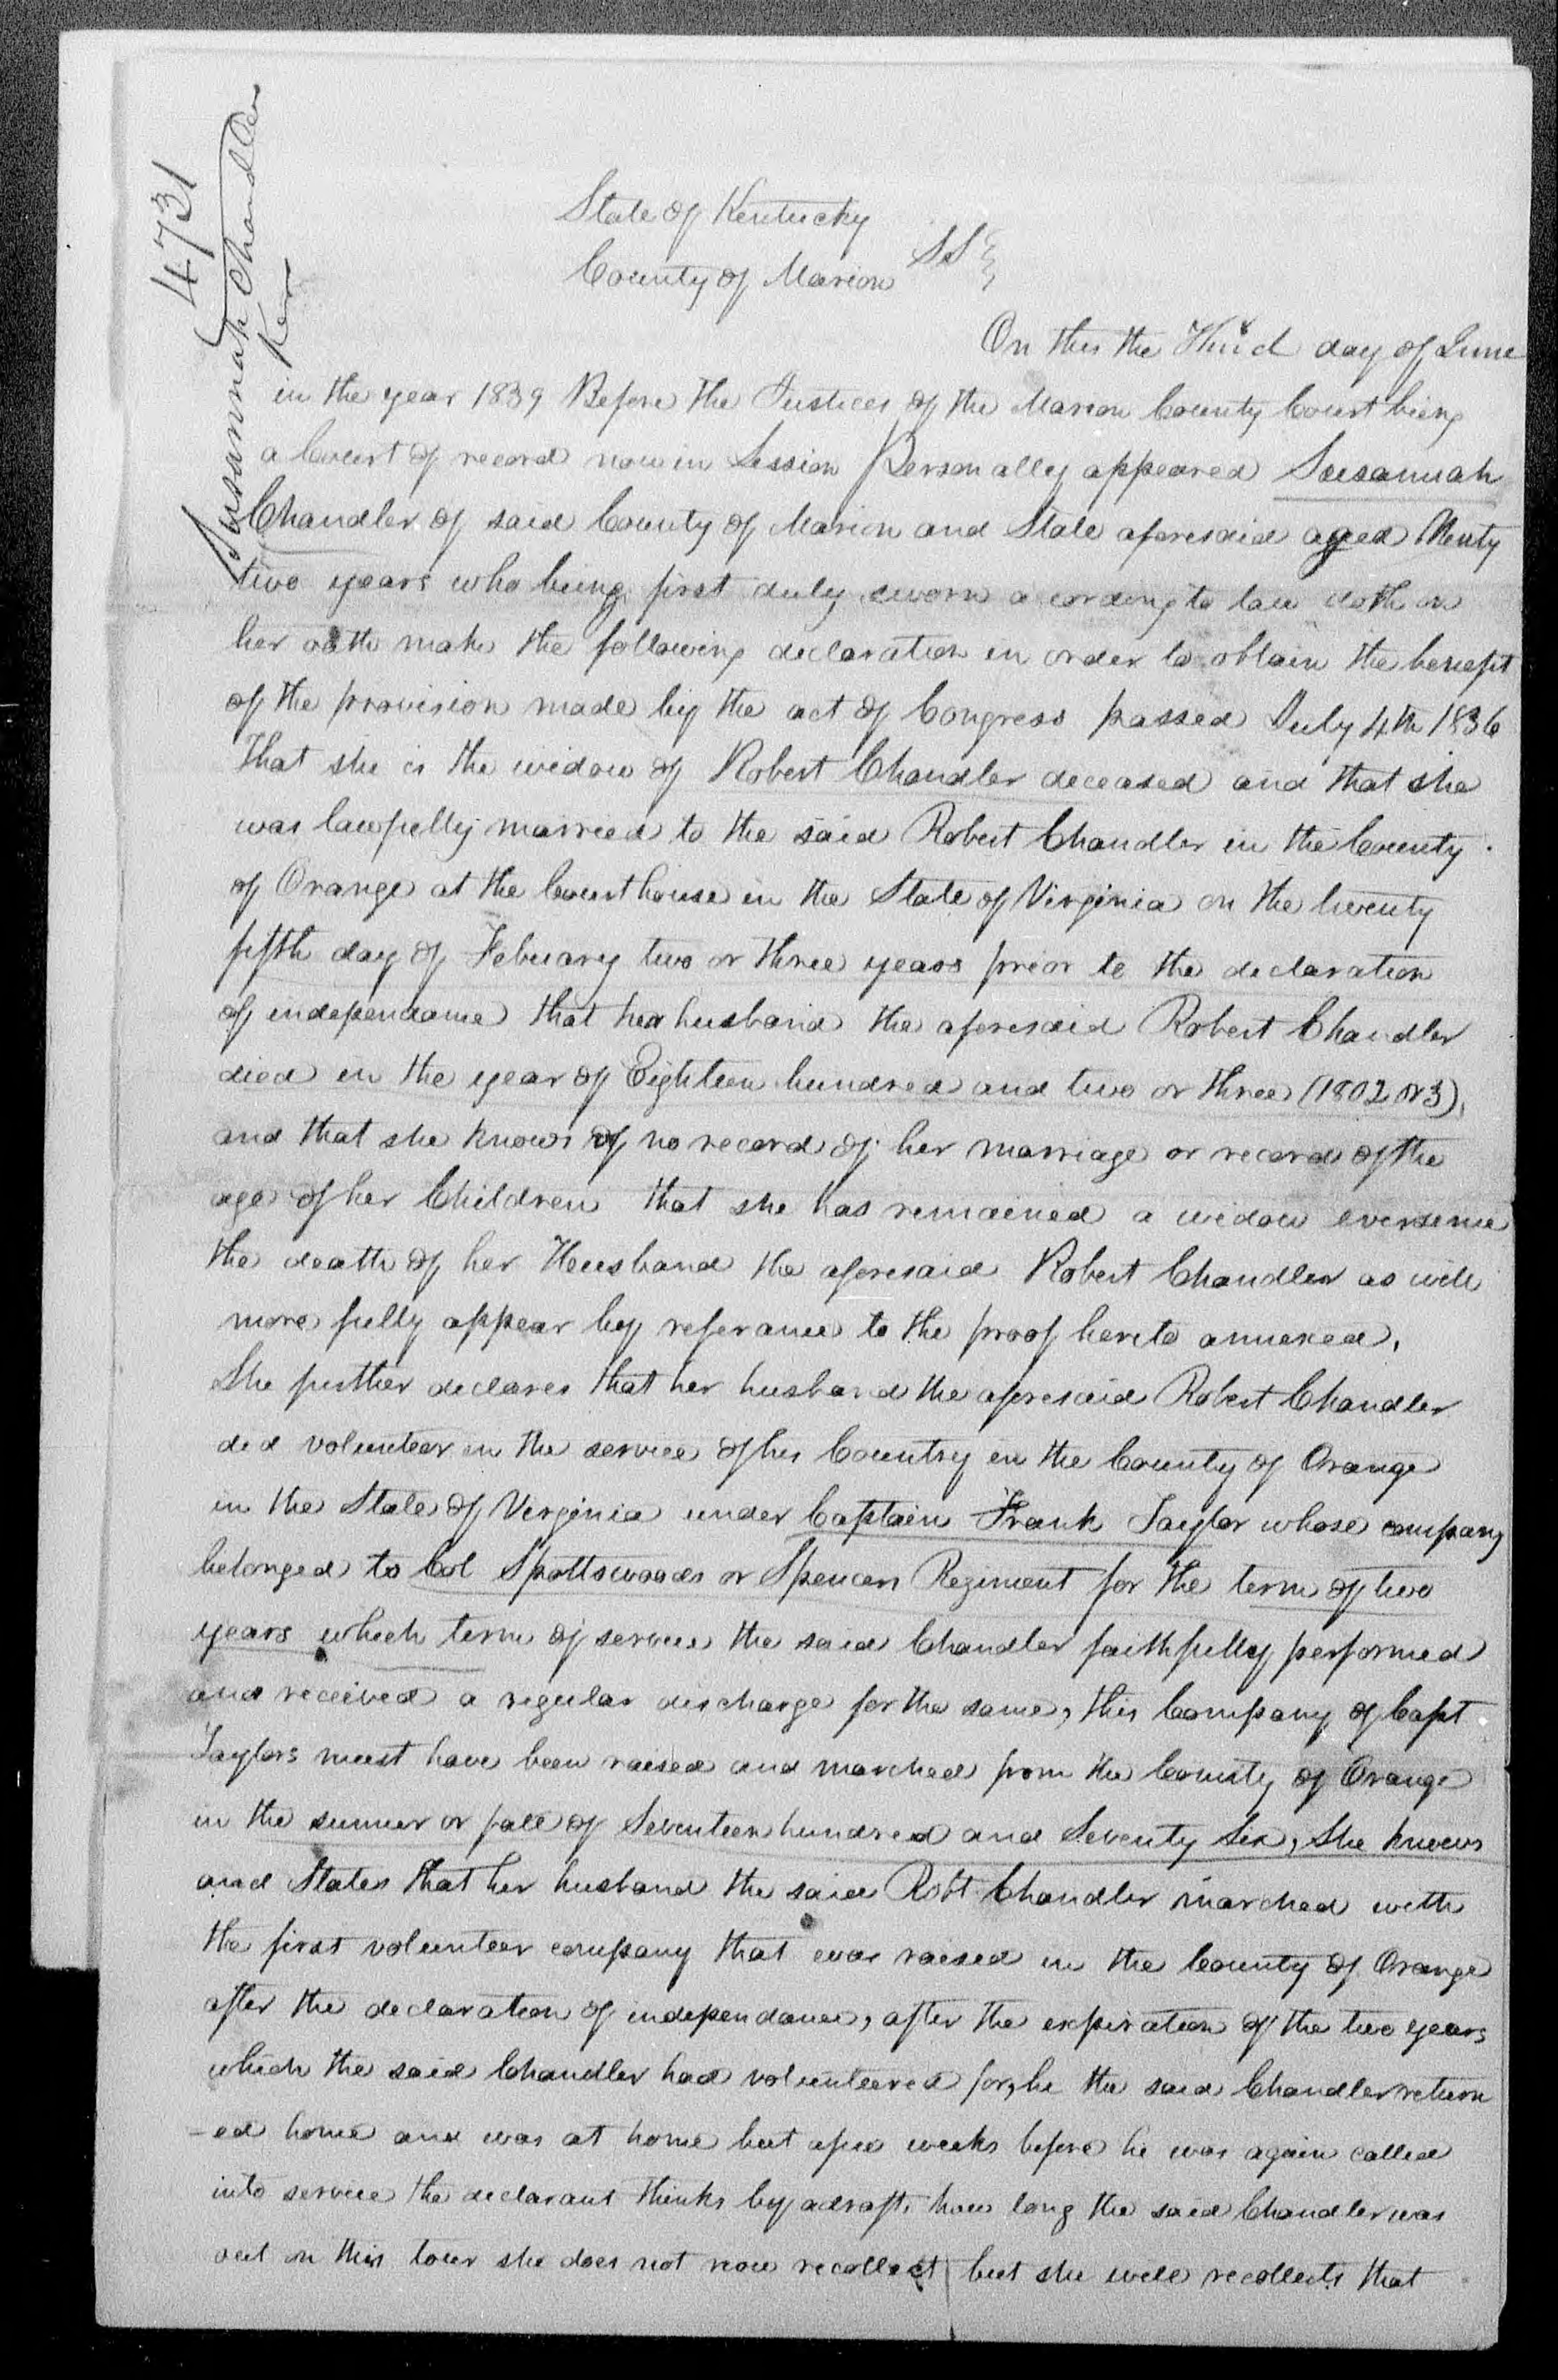(written sideways on the left:   4731
Susannah Chandler
Ken)


State of Kentucky. 
County of Marion
                    On the 3rd day of June in the year 1839,, 
Before the Justices of the Marion County Court, being a court of record now in Session, personally appeared Susannah Chandler of said County of Marion and State aforesaid, aged Ninety five years, who being first duly sworn  according to law, doth on her oath make the following declaration in
order to obtain the benefit of the provision made by the act of Congress passed July 4the 1836 that she is the widow of Robert Chandler, deceased, and that she was lawfully married to the said Robert Chandler in the County of Orange at the Courthouse in the State of Virginia on the twenty fifth day of February two or three years prior to the declaration of independence that her husband, the aforesaid Robert Chandler died in the year of eighteen hundred and two or three (1802 /03), and that she knows of no record of her marriage or records of the age of her children; that she remained a widow ever since the death of her husband, the aforesaid Robert Chandler, as will more fully appear by references to the proof hereto annexed.  She further declares that her husband, the aforesaid Robert Chandler, did volunteer in the service of his Country in the County of Orange in the State of Virginia under Captain Frank Taylor, whose company belonged to Col. Spottswood’s or Spencer Regiment for the term of two years, which term of service the said Chandler faithfully performed and received a regular discharge for the service, this company of Cap’t. Taylors must have been raised and marched from the County of Orange in the summer or fall of seventeen hundred and seventy six.  She knows and states that her husband, the said Rob’t. Chandler, marched with the first volunteer company that was raised in the County of Orange after the declaration of independence, after the expiration of the two years which the said Chandler had volunteered for.  he, the said Chandler, returned home and was not at home but a few weeks before he was again called into service.  The declarant thinks by a draft. How long the said Chandler was out on this tour, she does not now recollect, but she will recollect that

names: Chandler, Chandler, Robert Chandler, Robert Chandler, Robert Chandler, Chandler, Susannah Chandler, Robert Chandler, Chandler, Robt Chandler, Taylors, Robert Chandler, Susannah Chandler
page: 3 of 12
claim: widow's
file: W. 8598, Robert Chandler, Va.